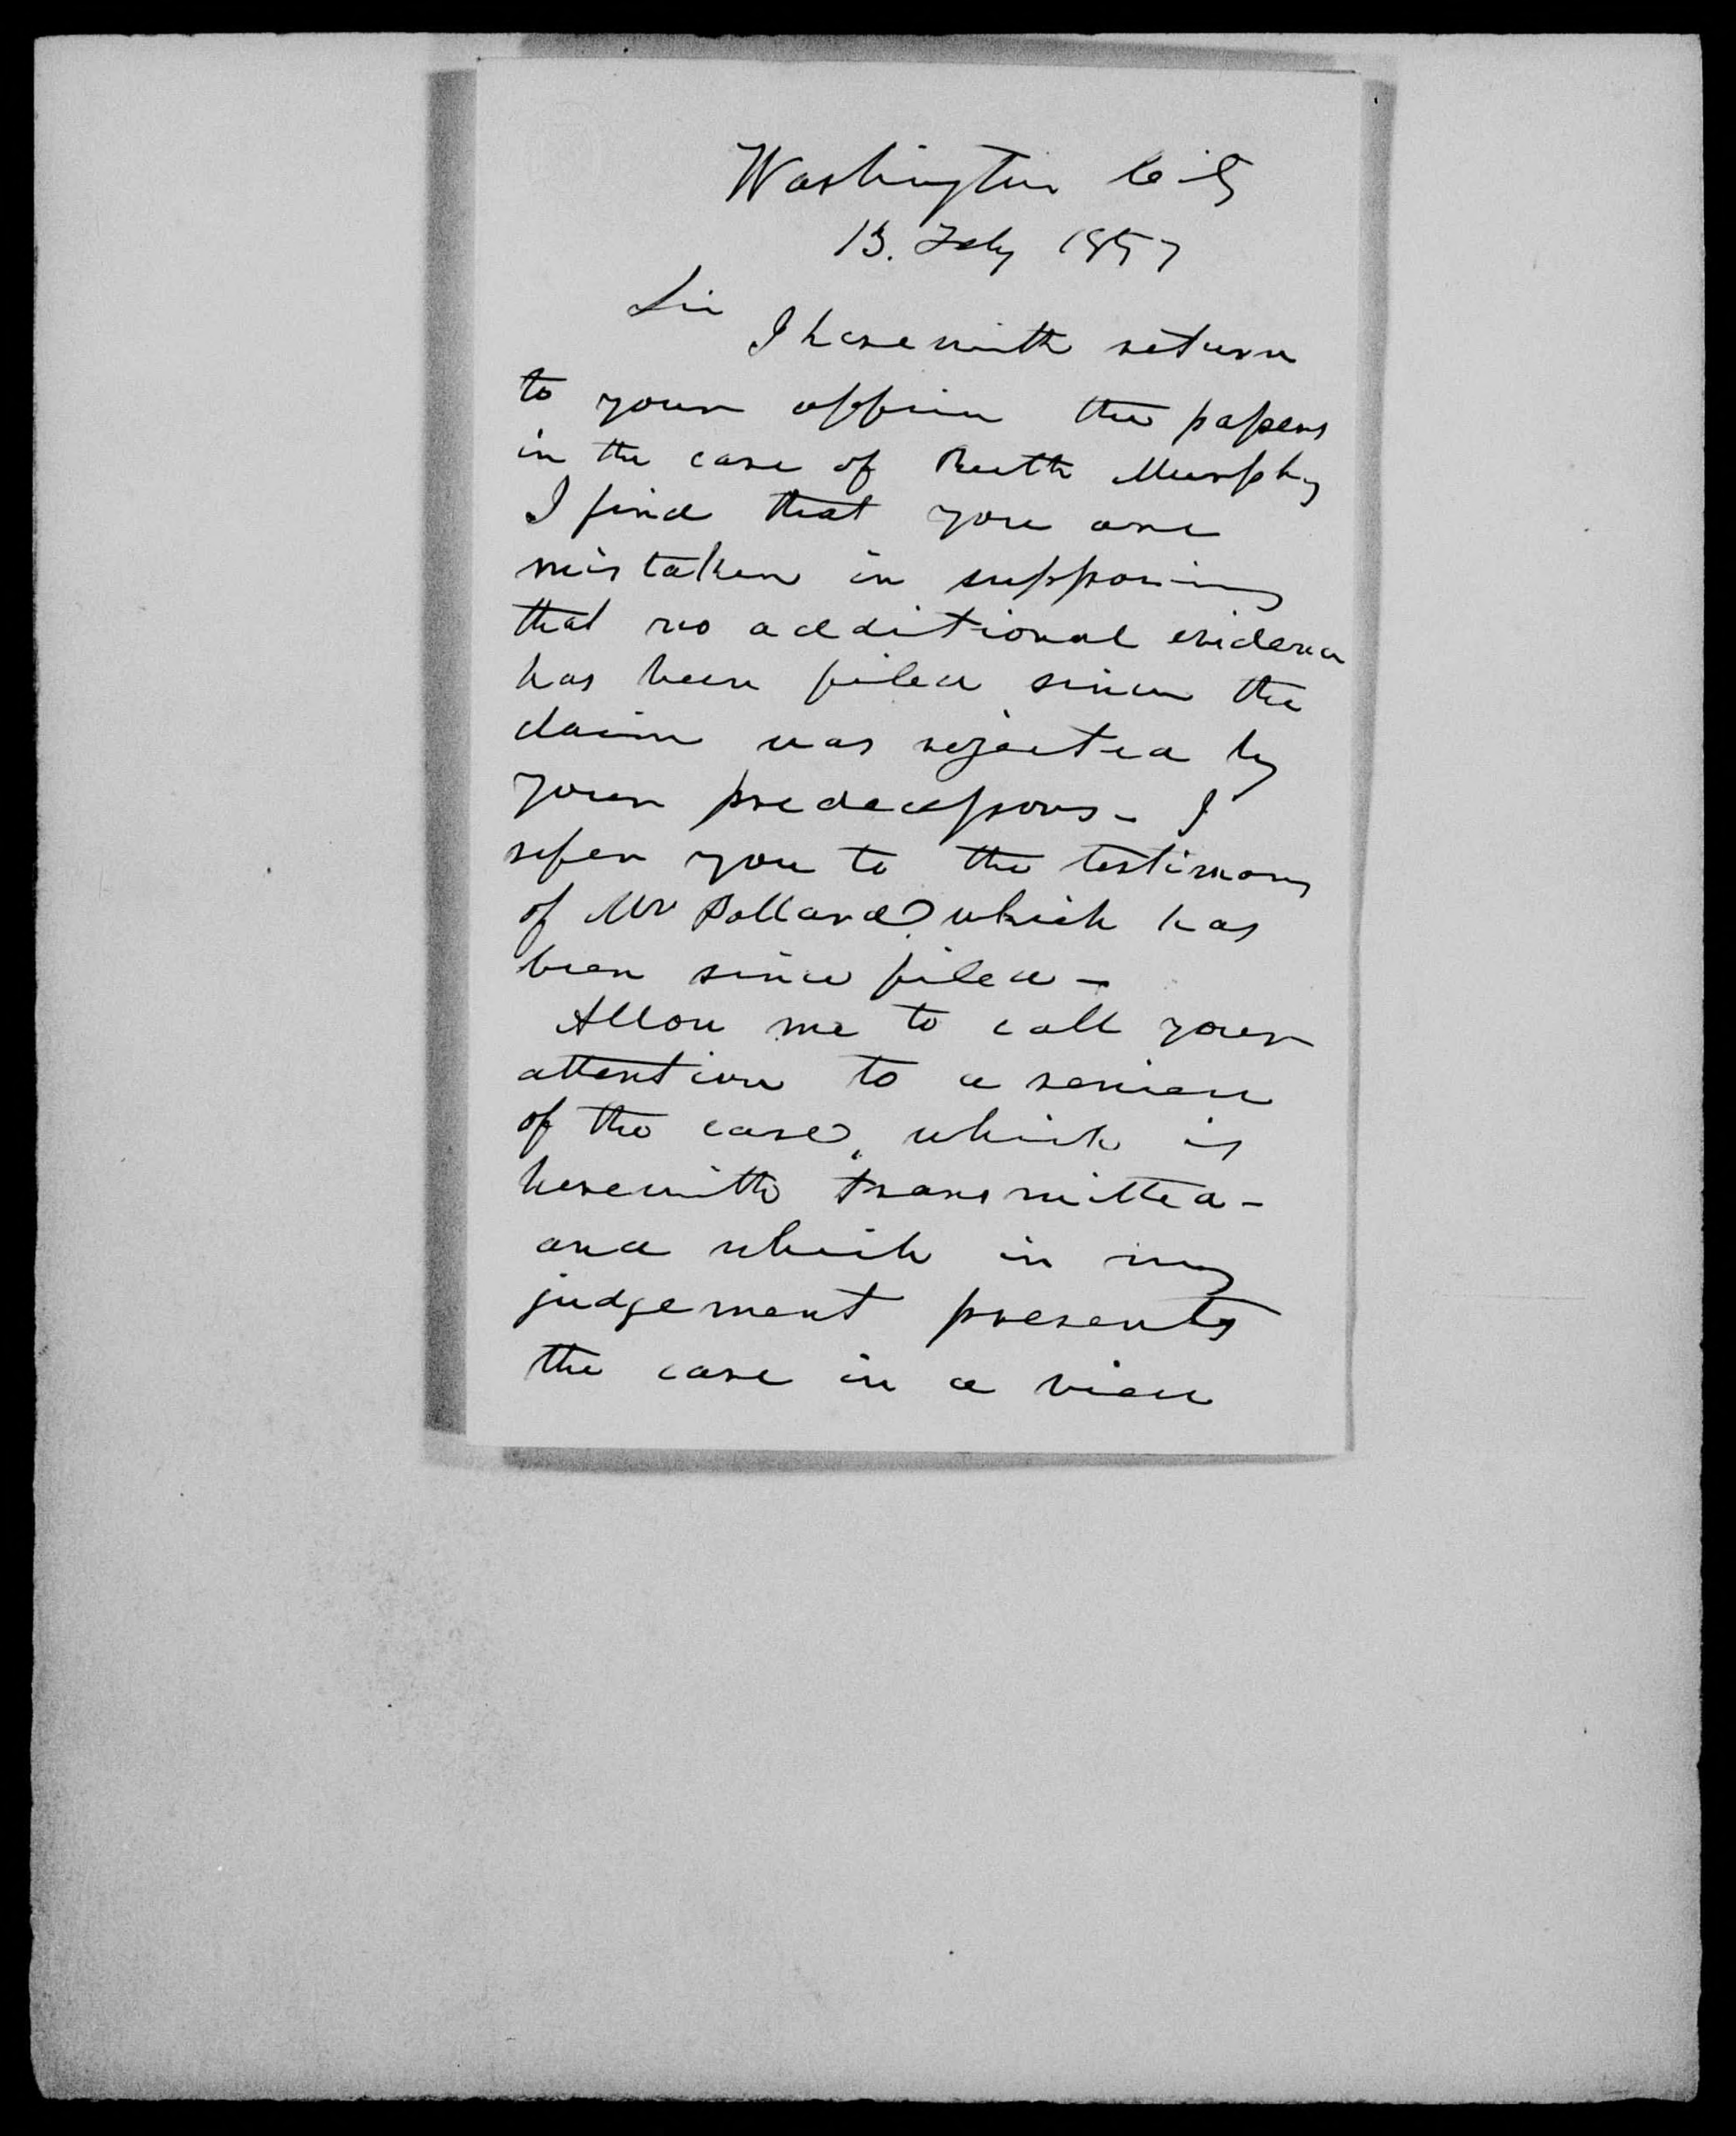Washington City
13 July 1857
Sir I have with return to your office the papers in the case of Ruth Murphy I find that you are mistaken in supposing that no additional evidence has been filed since the claim was rejected by your predecessors. I refer you to the testimony of Mr. Pollard which has been since filed. Allow me to call your attention to a [illegible] of the case which is herewith transmitted - and which in my judgement presents the case in a [illegible]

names: Ruth Murphy, Pollard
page: 62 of 108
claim: rejected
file: R. 7,515, John Hudgins, N.C.